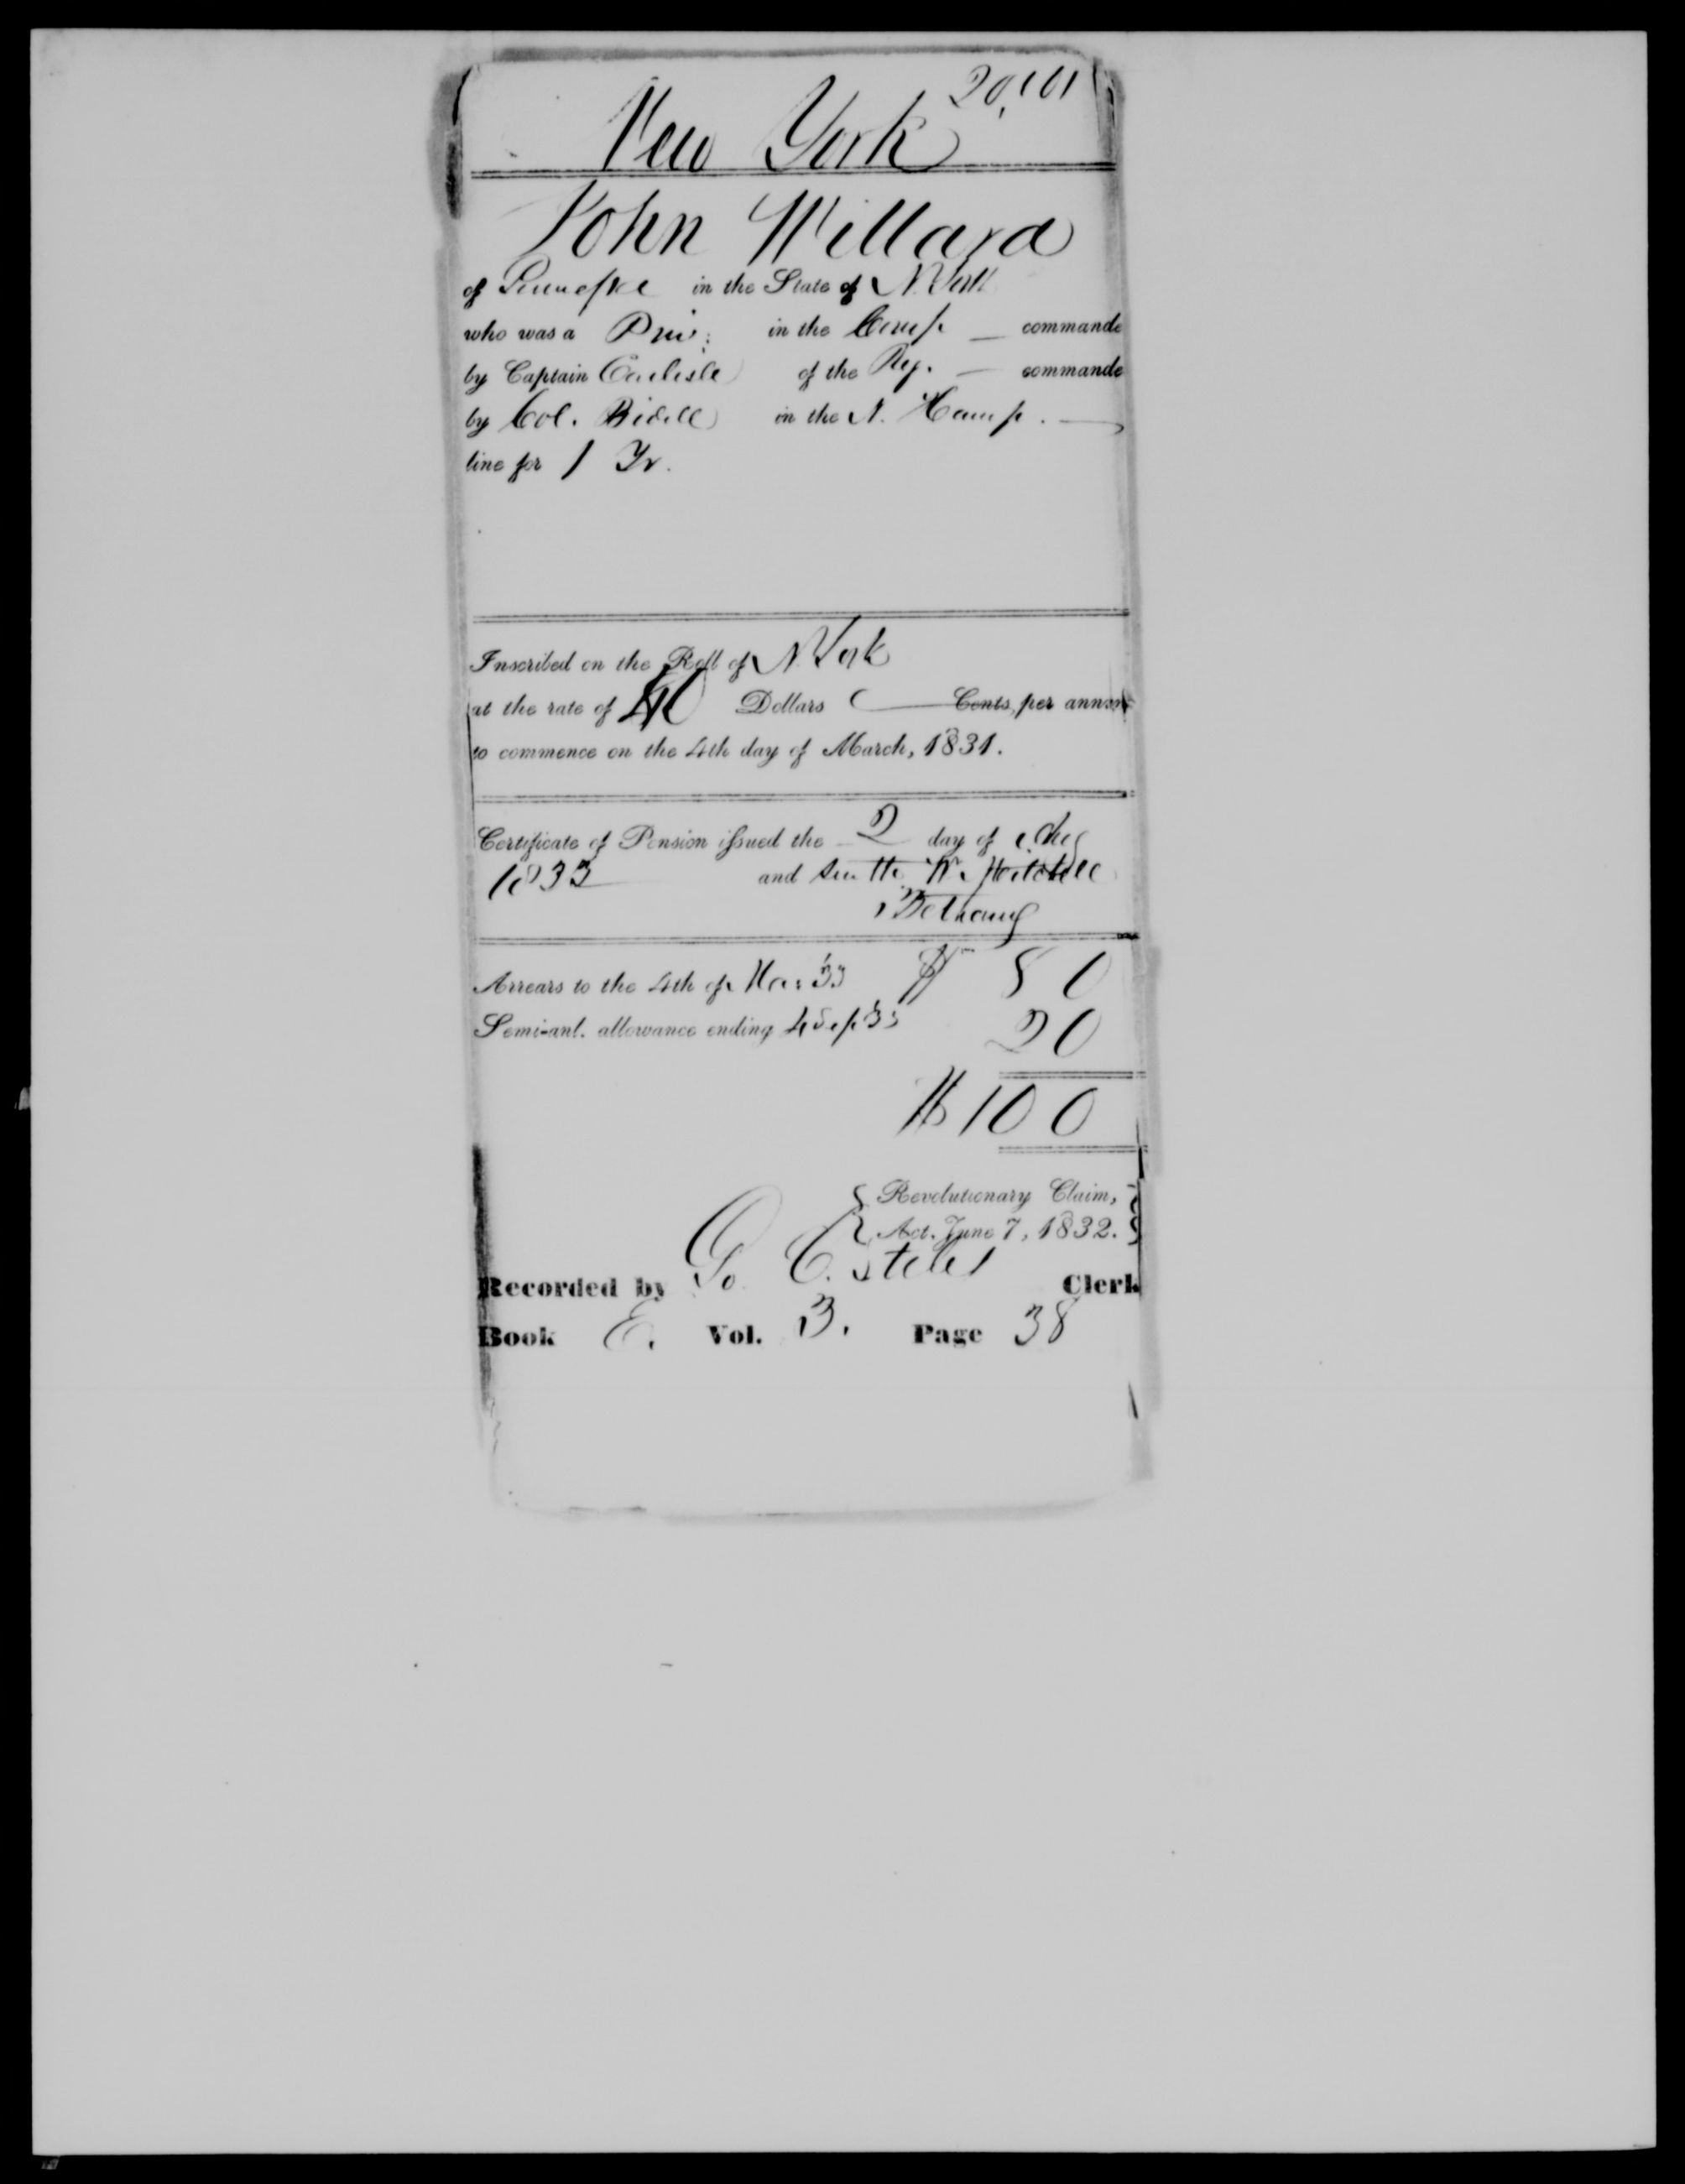20101
New York
John Willard
of Pennessee in the State of [N York
who was a Pri in the Comp command
by Captain Carlisle of the Reg. commands
by Col. Bidell in the N. Hamp
line for 1 Yr

Inscribed on the Roll of N York
at the rate of 41 Dollars - Cents per ann
to commence on the 4th day of March, 1831.

Certificate of Pension issued the 2 day of May
1833
and Smith W. Mitchell
Bethany

Arrears to the 4th of Mar 33 $80
Semi-anl. allowance ending 4 Sep 33  20
 $100
-
Revolutionary Claim,
Act June 7, 1832.

Recorded by Go C Stiles
Book E.
Vol. 13 Page 38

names: Bidell, Carlisle, W Mitchell, Go C Stiles, John Willard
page: 2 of 18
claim: survivor's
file: S. 11848, John Willard, N. H.